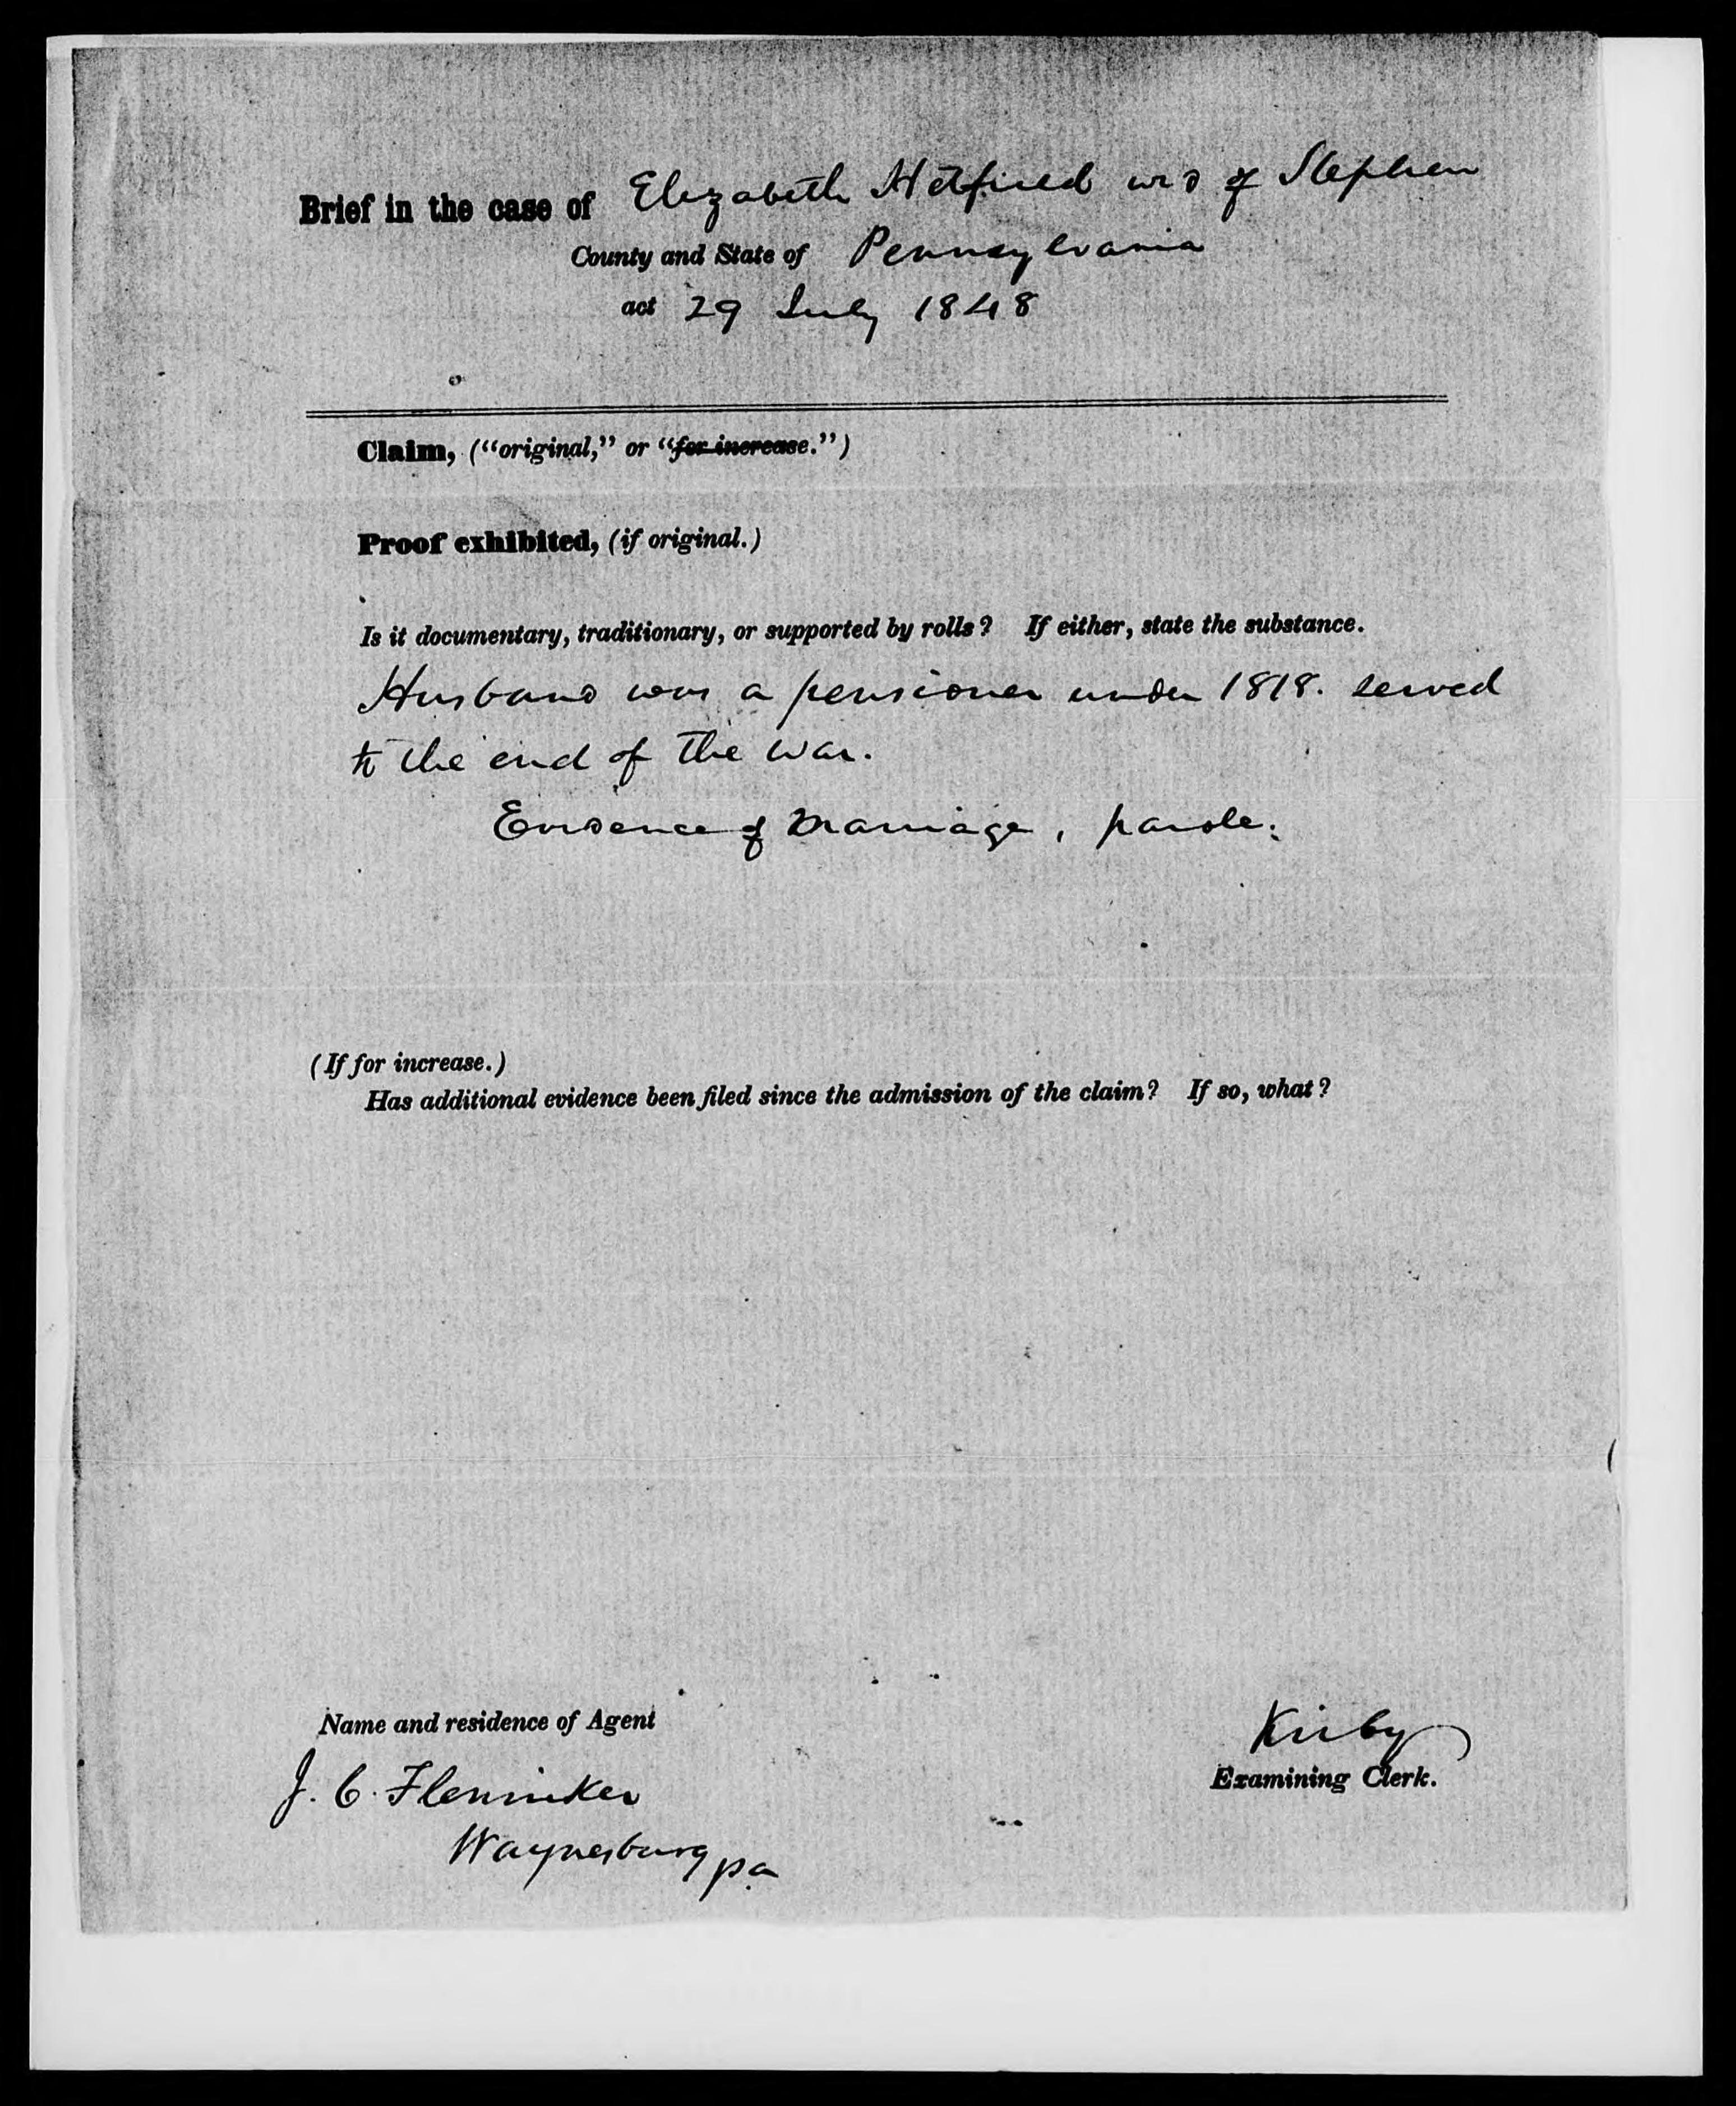Brief in the case of Elizabeth Hetfield wid of Stephen 
County and State of Pennsylvania
Act 29 July 1848
_______________________________________________________________
Claim, ("original," or "for increase.")["for increase" is crossed out]
Proof exhibited, (if original.)
Is it documentary, traditionary, or supported by rolls. If either, state the substance.
Husband was a pensioner under 1818. served to the end of the war. Evidence of Marriage, parole.
(If for increase.)
Has additional evidence been filed since the admission of the claim? If so, what?
Name and residence of Agent                               
J. C. Flenniken                                                        
Waynesburg
pa

Kirby
Examining Agent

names: Stephen Hetfield, Kirby, Elizabeth Hetfield, J C Flenniker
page: 45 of 45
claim: widow's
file: W. 2734, Stephen Hetfield, New Jersey